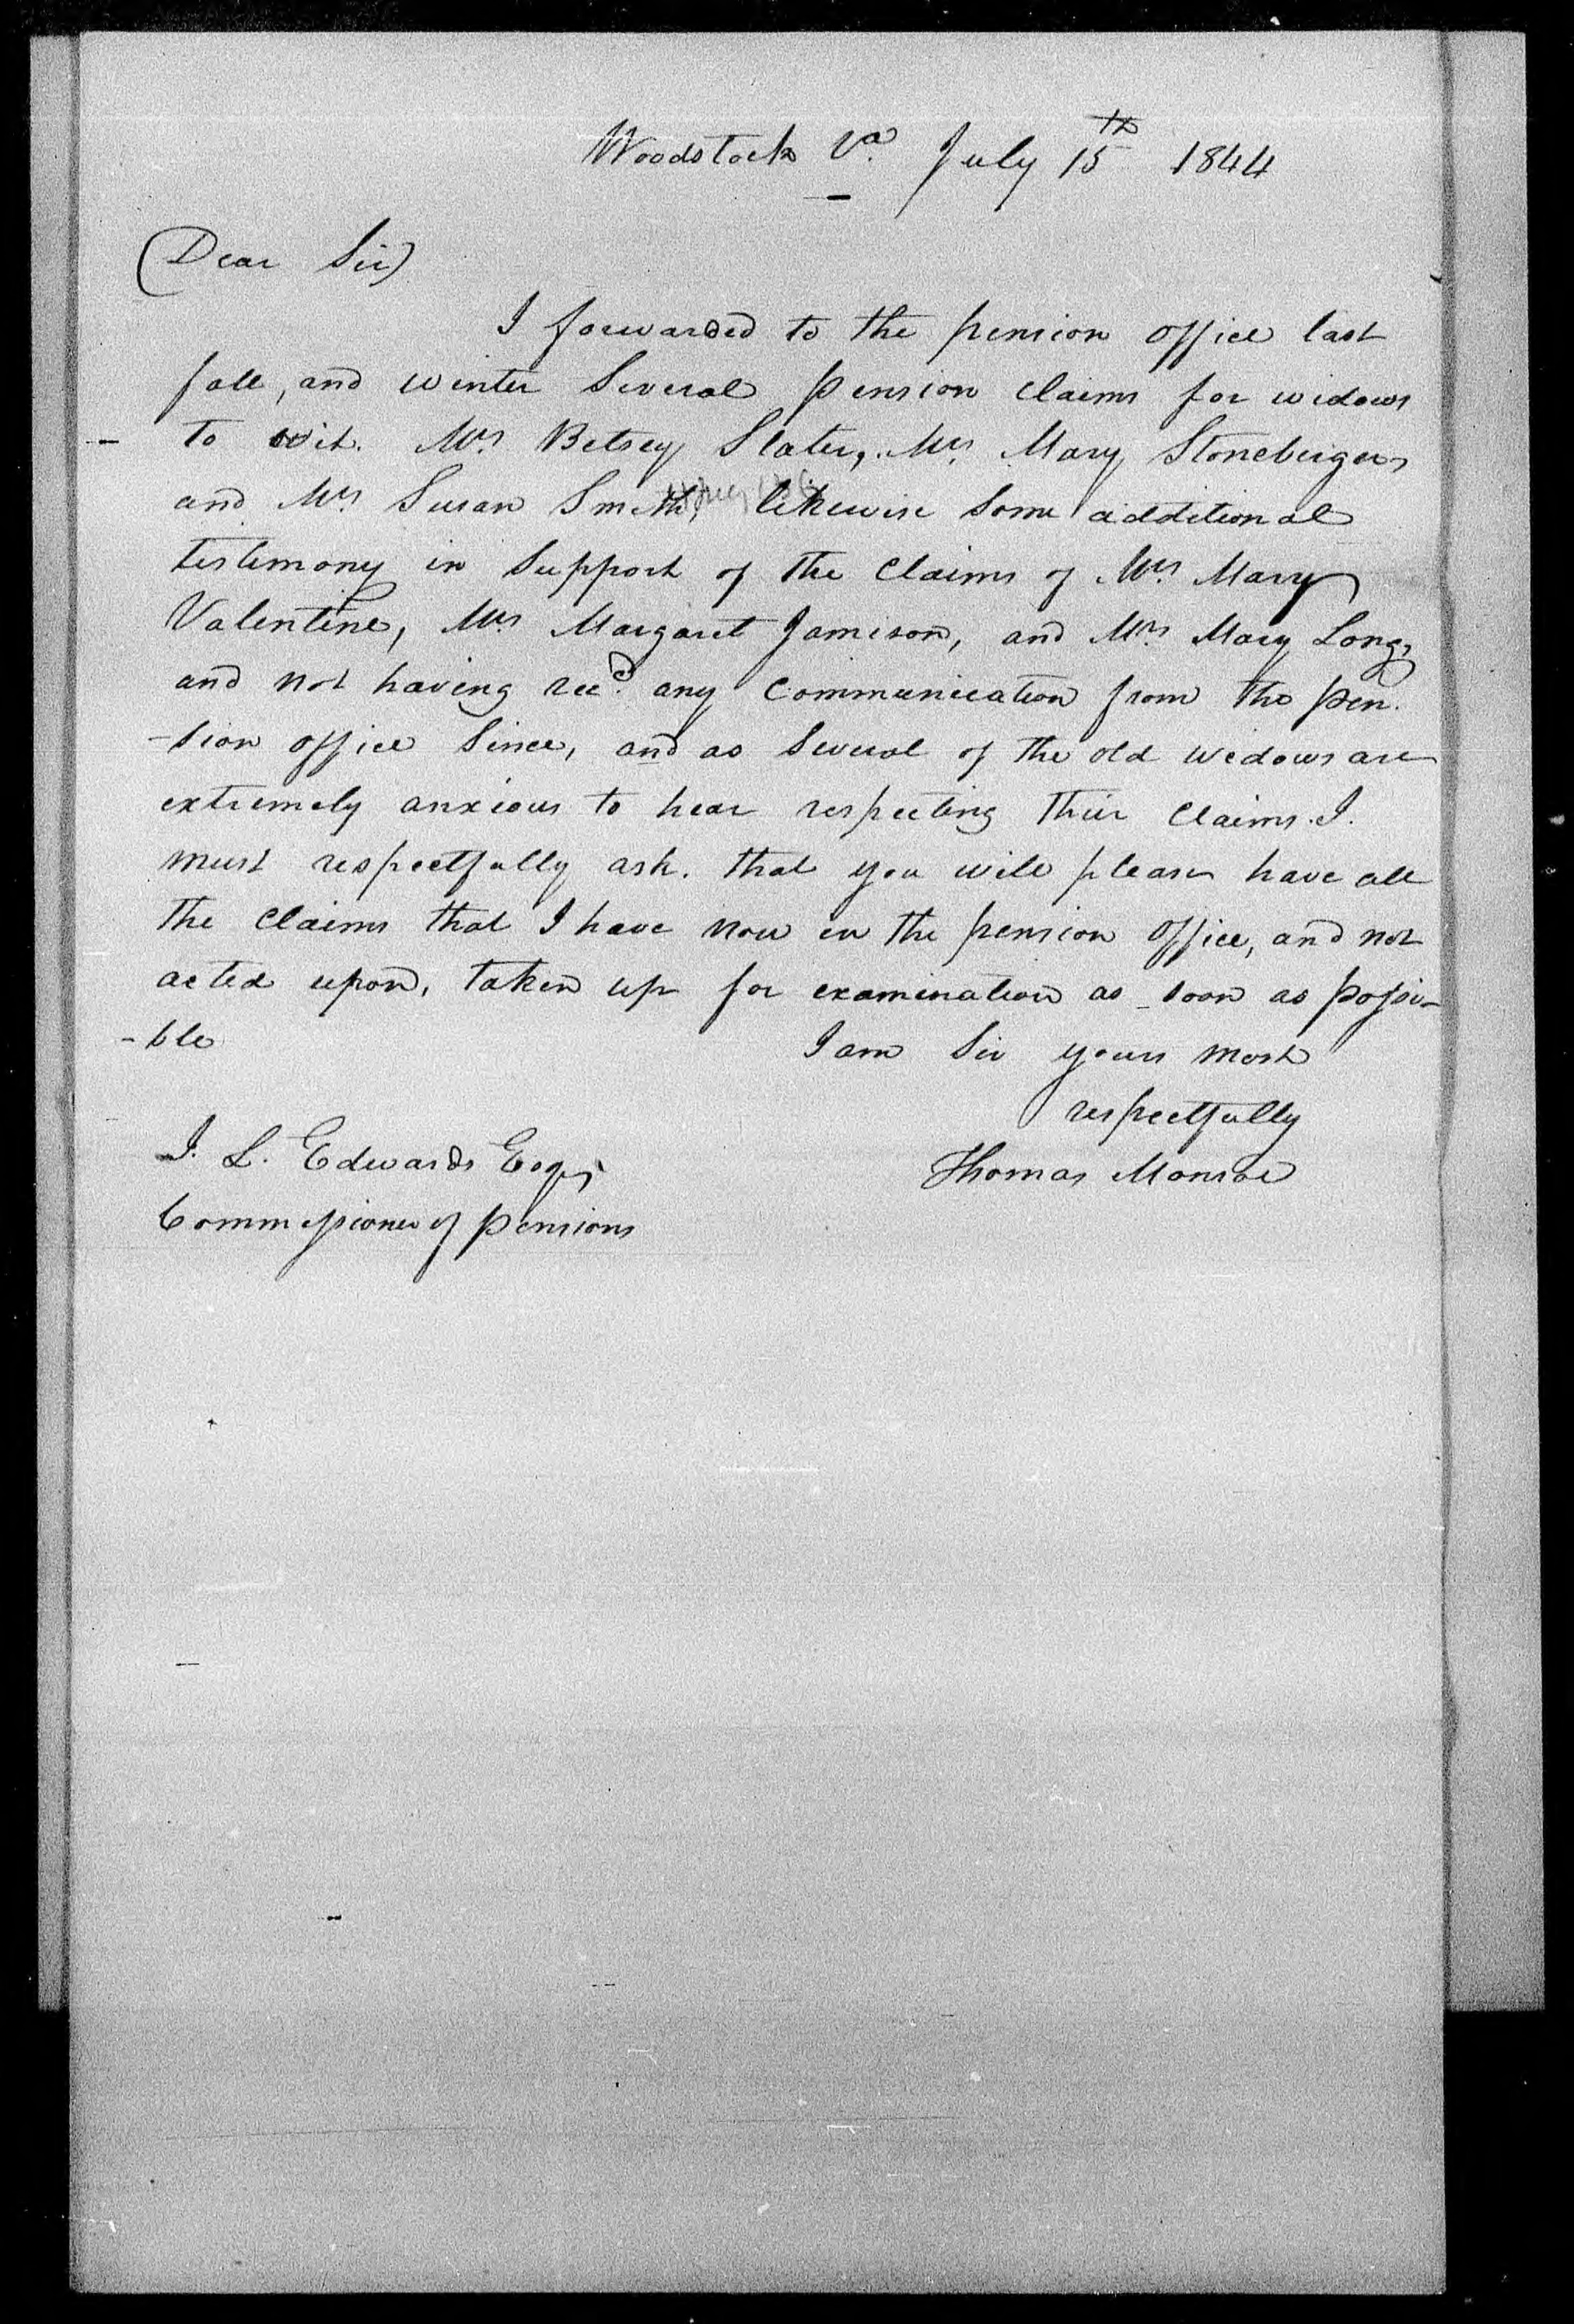Woodstock Va. July 15th 1844
Dear Sir
   I forwarded to the pension office last
fall, and winter Several pension claims for widows
to wit.  Mrs. Betsy Slater, Mrs. Mary Stoneberger,
and Mrs. Susan Smith; likewise some additional testimony in Support of the Claims of Mrs. Mary
Valentine, Mrs. Margaret Jamison and Mrs. Mary Long,
and not having rec'd any communication from the pension
office since, and as Several of the old widows are
extremely anxious to hear respecting their claims, I
must respectfully ask that you will please have all the claims that I have now in the pension office, and not acted upon, taken up for examination as soon as possible.
I am your most
respectfully
Thomas Monroe

J. L. Edwards Esq
Commissioner of pensions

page: 16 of 28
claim: widow's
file: W. 5112, for Samuel Jamieson, Virginia